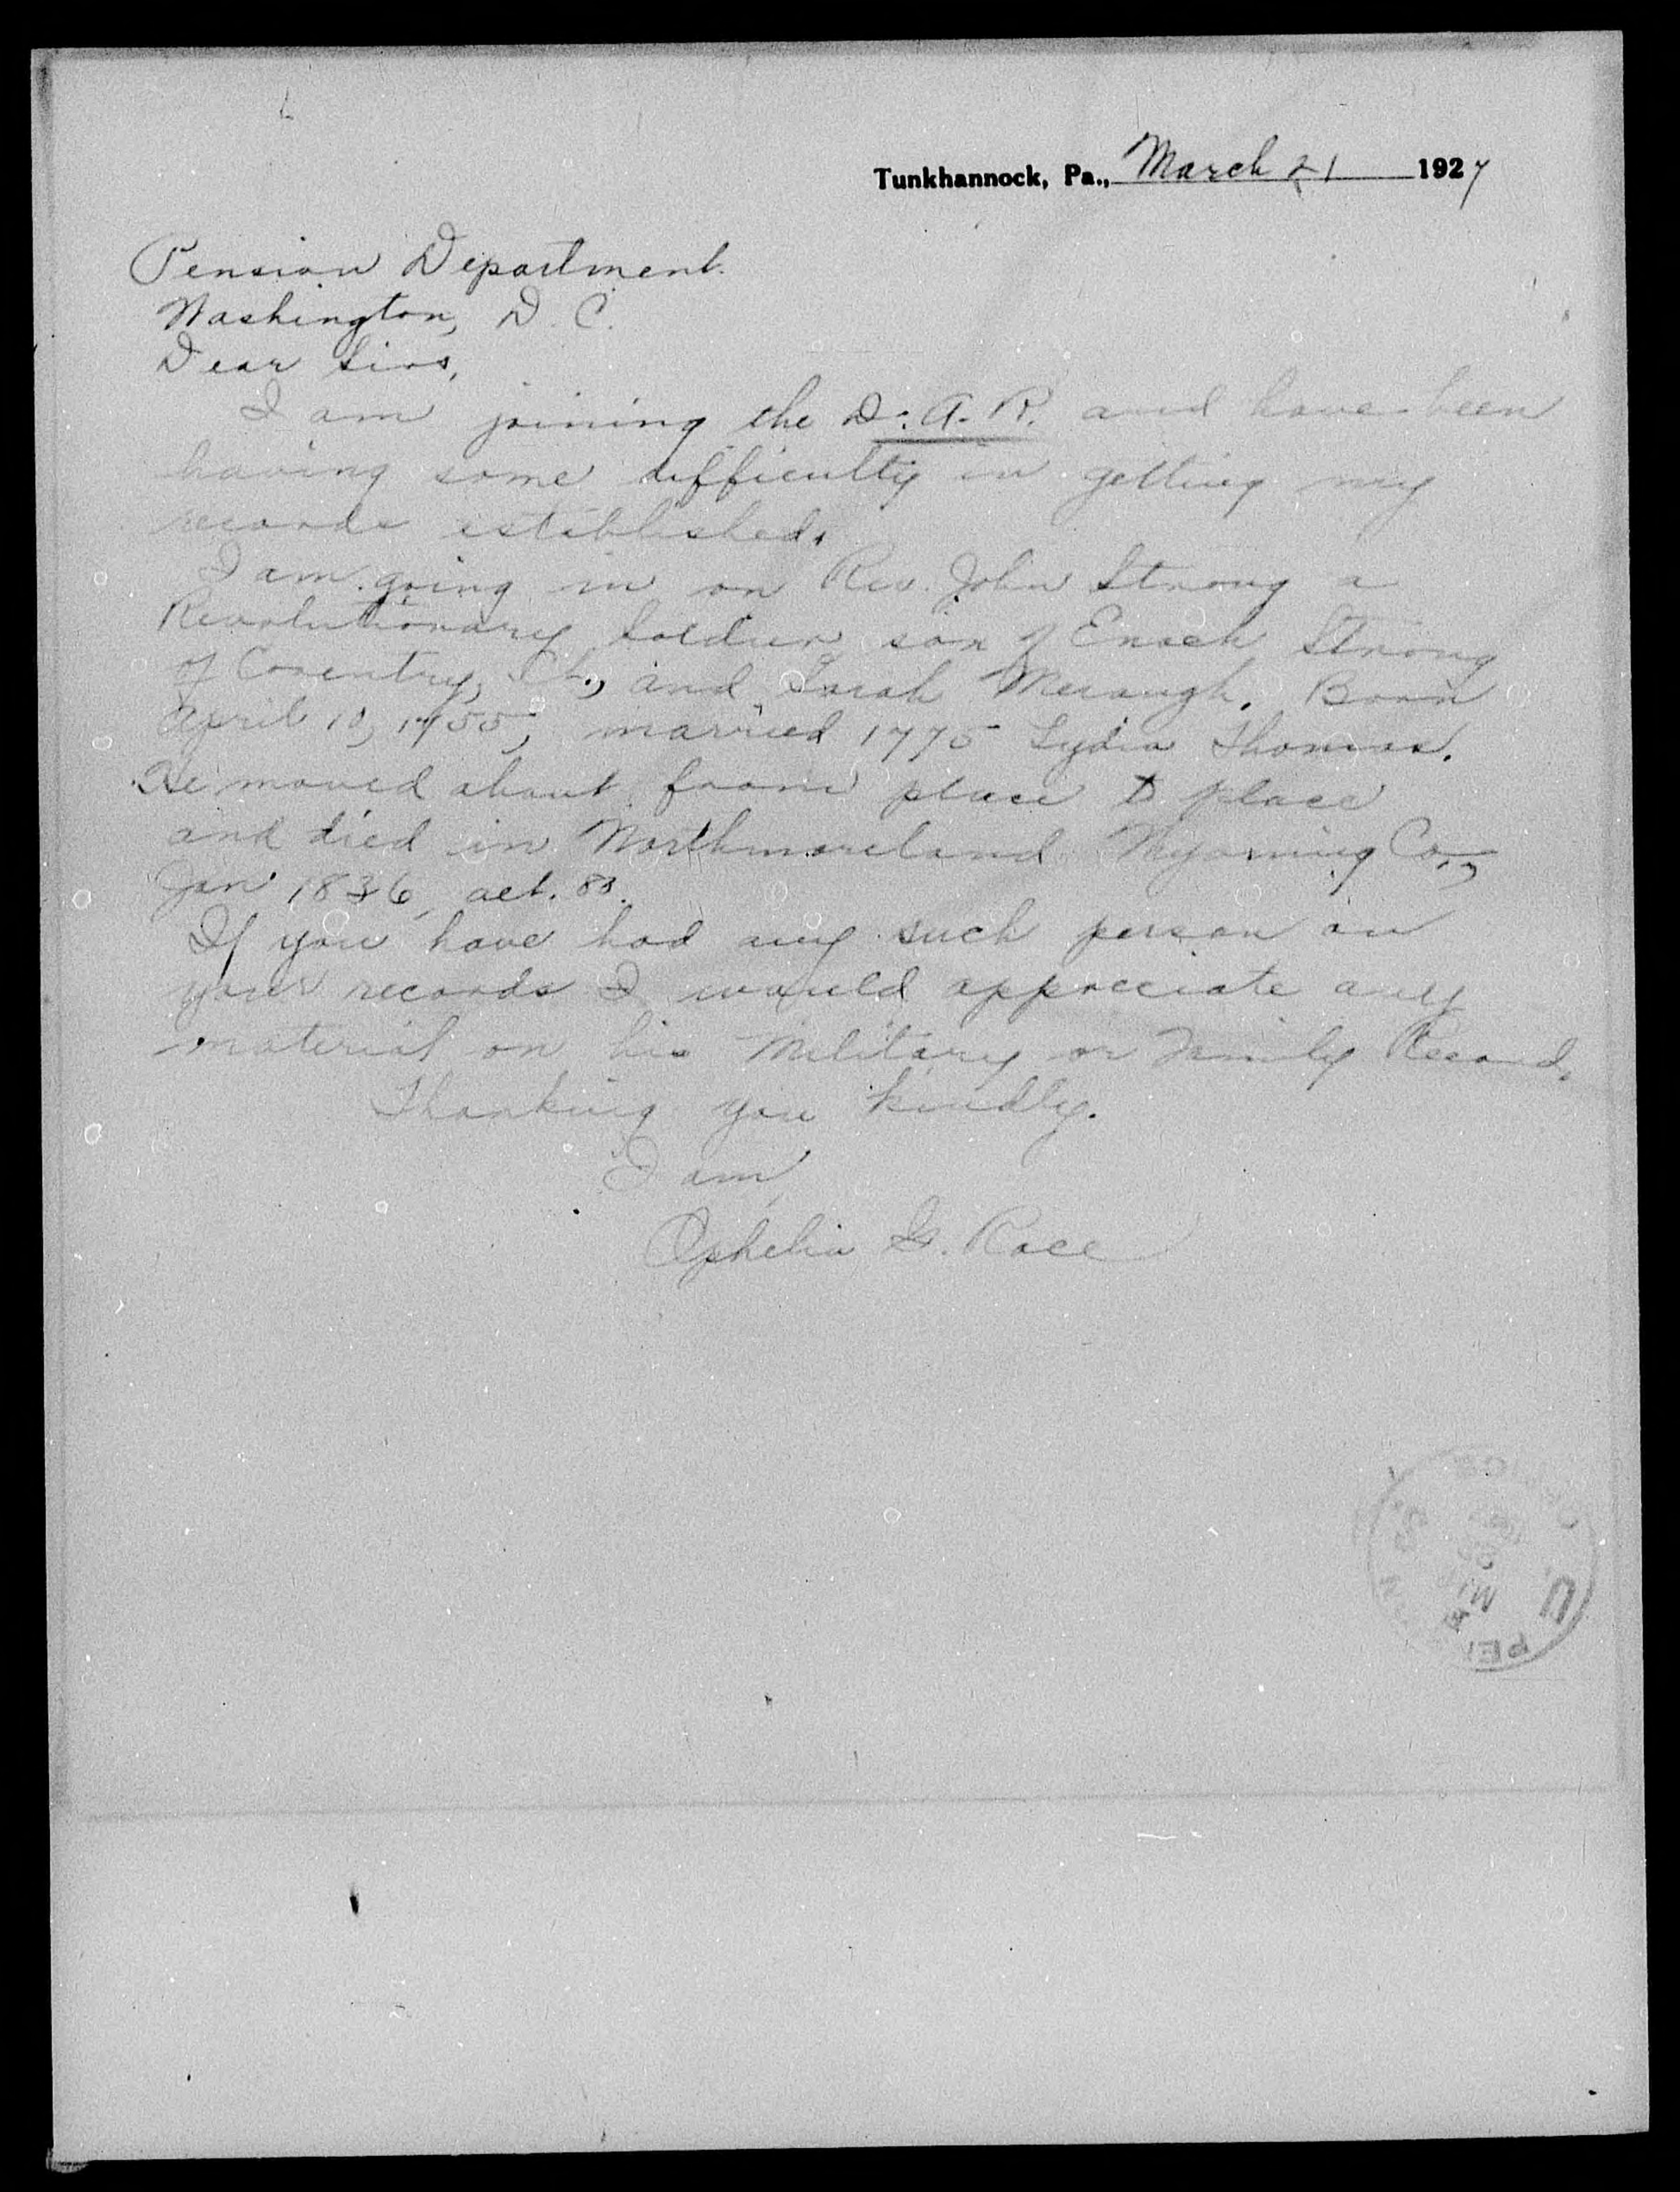Tunkhannock, Pa., March 1927 
Pension Department 
Washington, D.C. 
Dear Sirs 
I am joining the D.A.R. and have been having some difficulty in getting my records established 
I am going in on Rev. John Strong Revolutionary Soldier son of Enoch Strong of Coventry, Ct., and Sarah Meraugh, Born April 10, 1755 married 1776 Lydia Thomas. He moved about from place to place and died in Northmoreland Wyoming Co., Jan 1836 act. 83 
If you have had any such person in your records I would appreciate any material on his military or family record.
Thanking you kindly.
I am
Ophelia G. Rice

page: 27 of 33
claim: widow's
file: W. 4592, for John Strong, New York